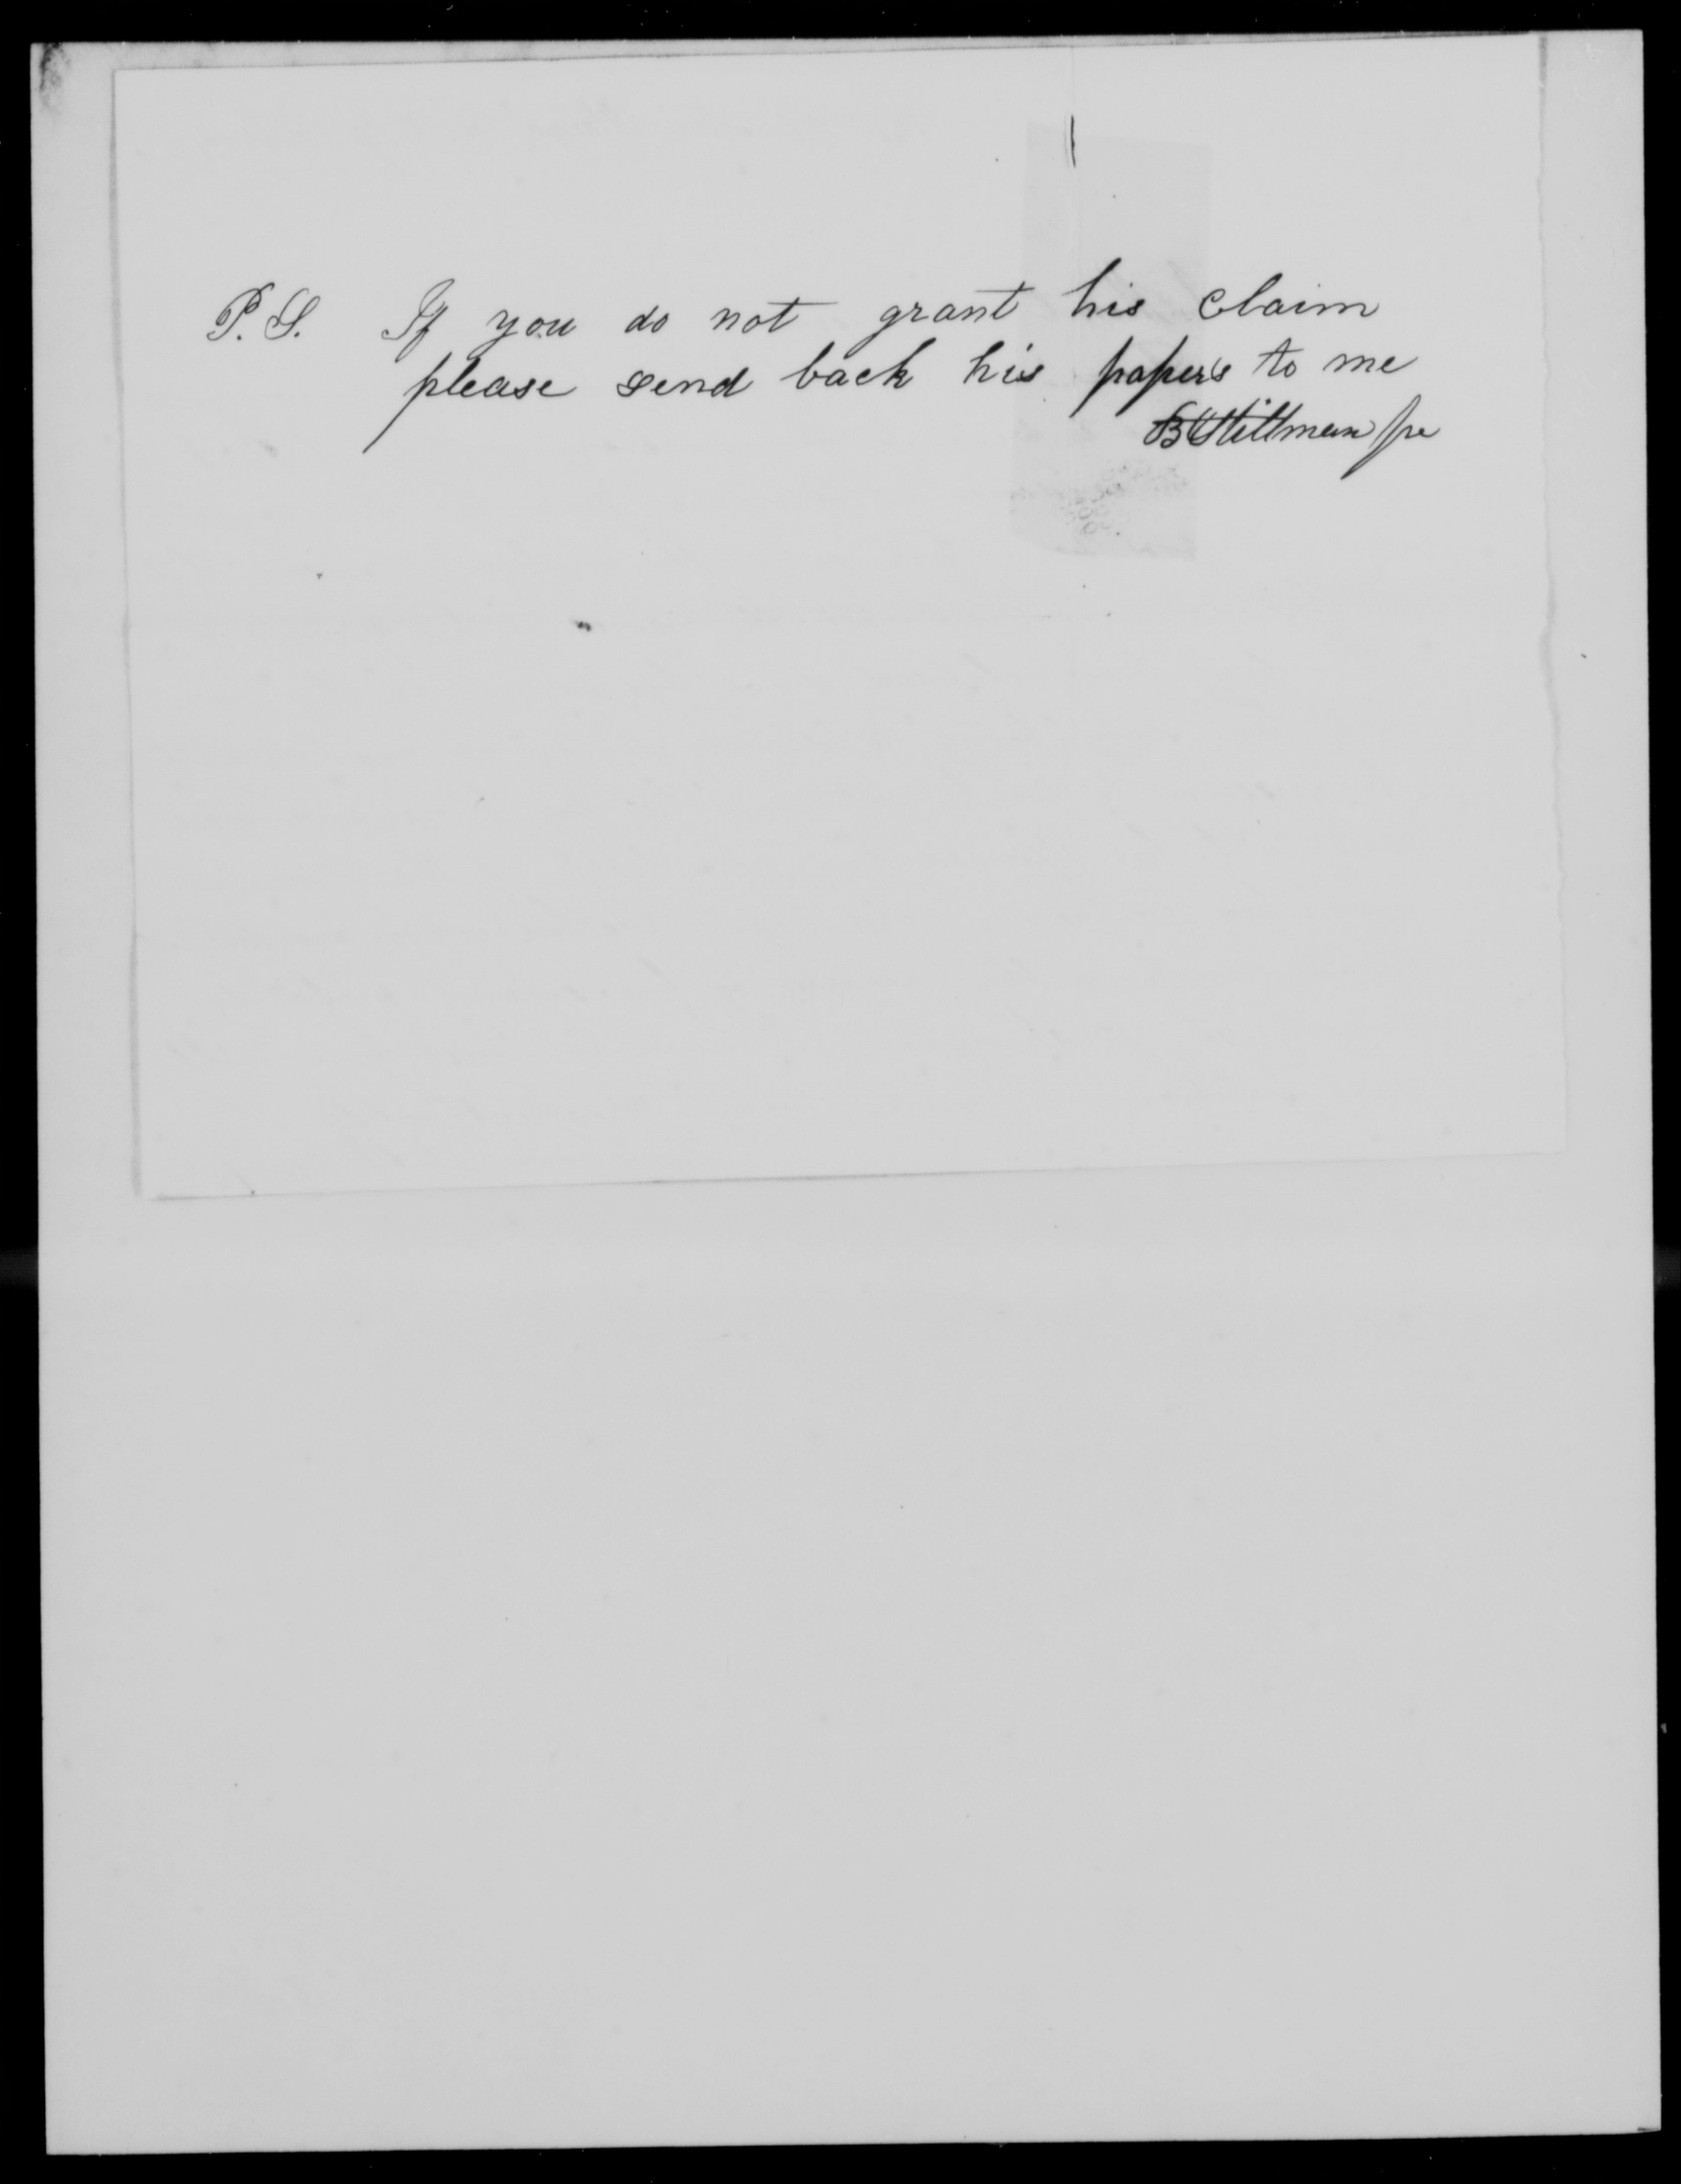P.S. If you do not grant his claim please send back his papers to me
B Stillman Jnr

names: B Stillman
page: 18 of 29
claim: bounty land warrant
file: B.L.Wt.47987-160-55, for Benjamin Stillman, Rhode Island